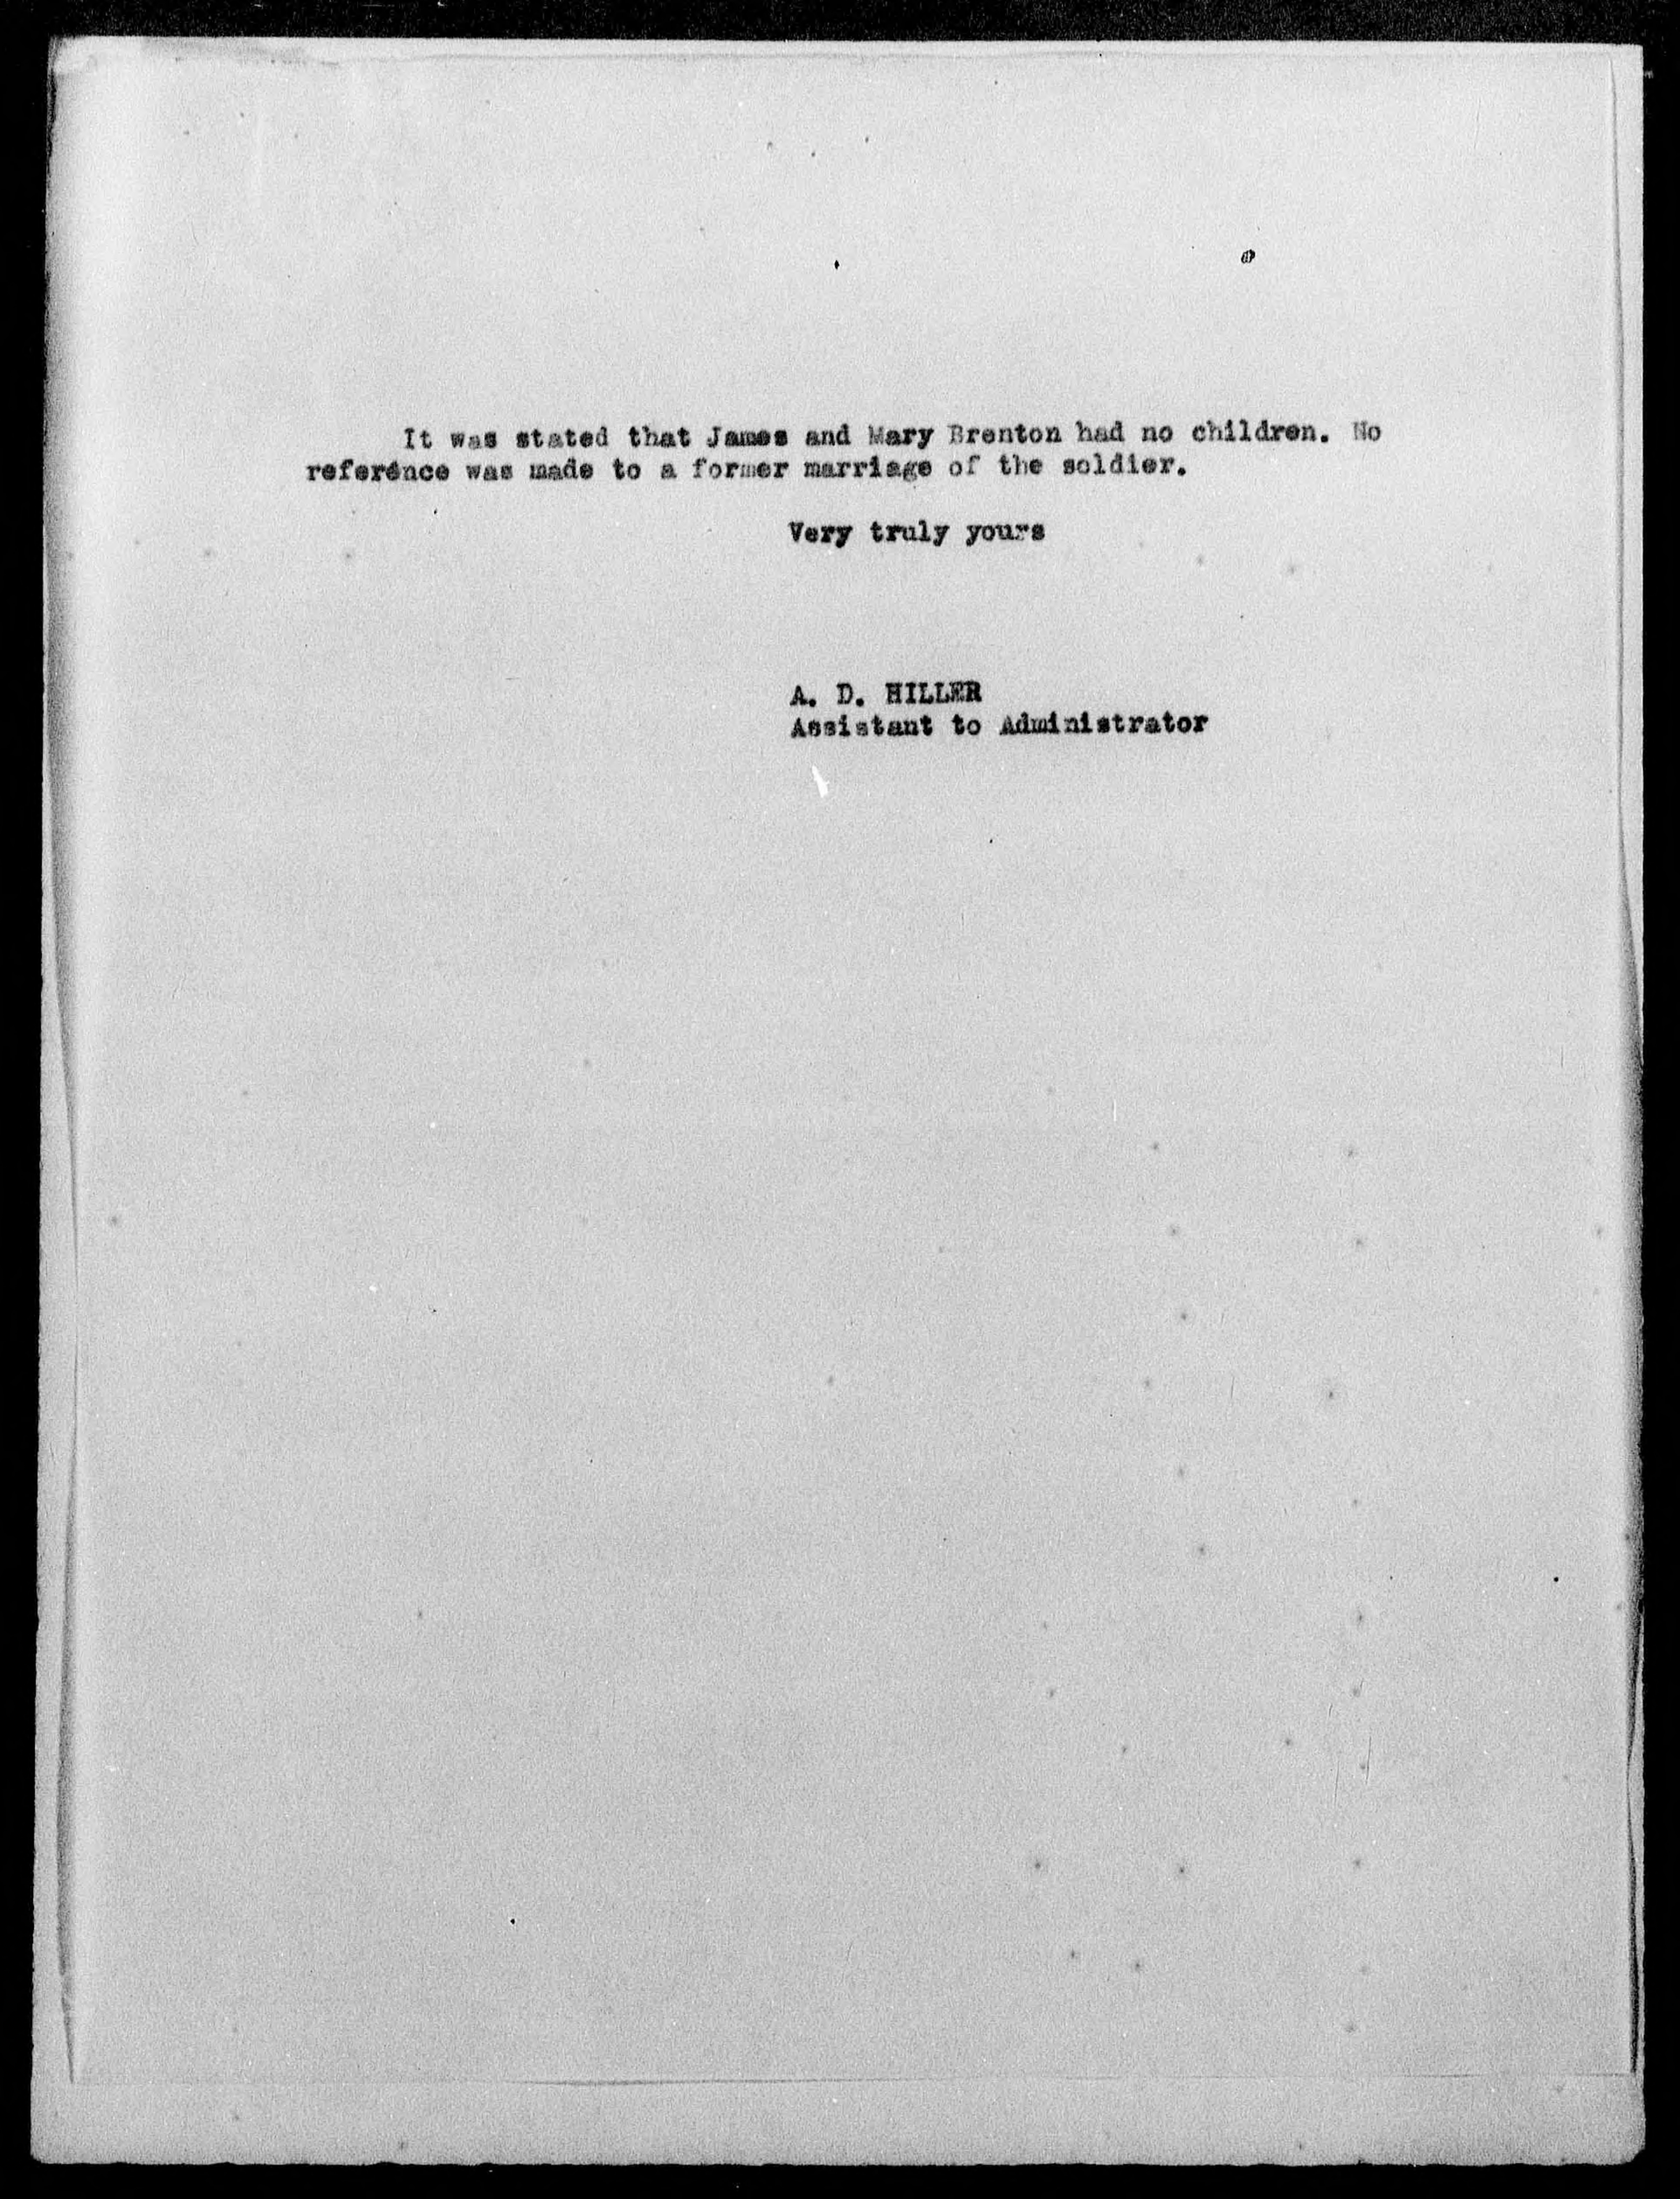It was stated that James and Mary Brenton had no children. No reference was made to a former marriage of the soldier.
Very truly yours
A. D. Hiller
Assistant to Administrator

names: A D Hiller, Mary Brenton, James Brenton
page: 18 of 49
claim: widow's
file: W. 2518, James Brenton, Va.